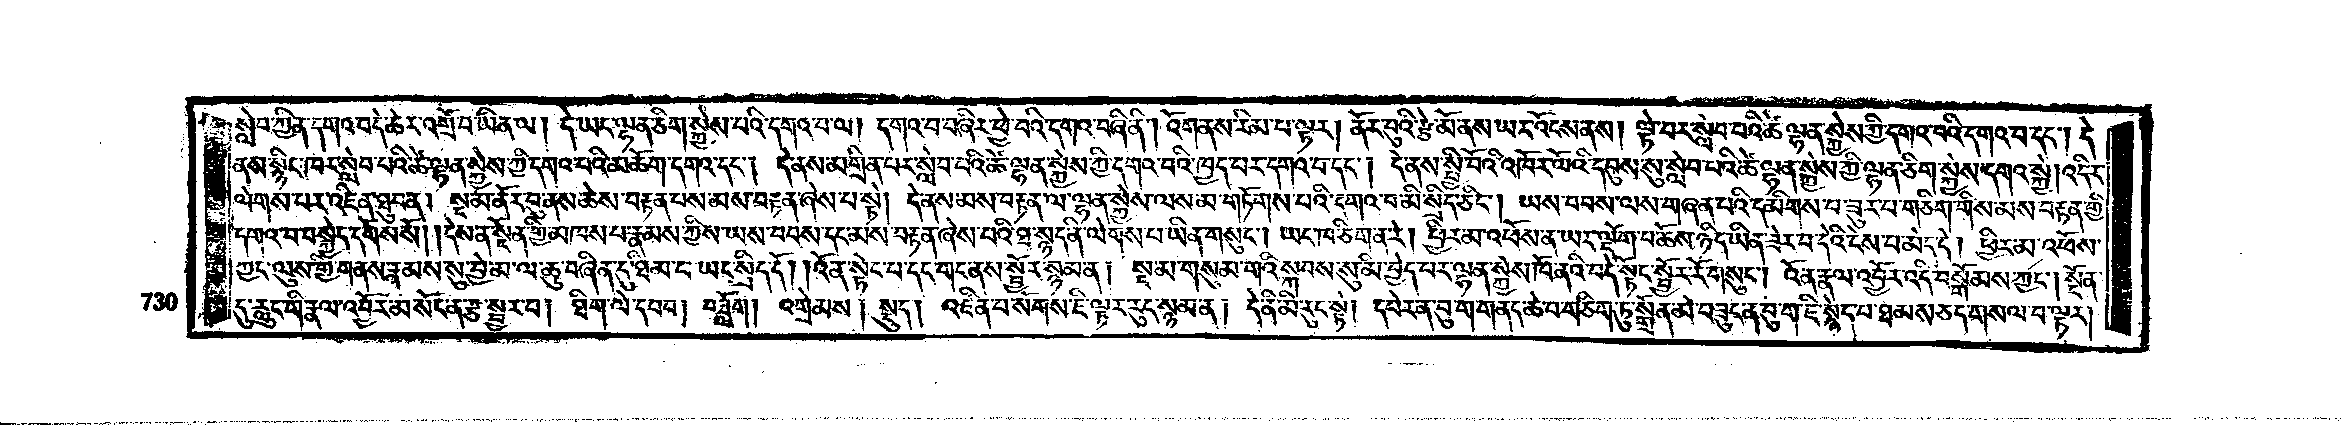སླེབ་ཀྱིན་དགའ་བདེ་ཆེར་འགྲོ་བ་ཡིན་ལ། དེ་ཡང་ལྷན་ཅིག་སྐྱེས་པའི་དགའ་བ་ལ། དགའ་བ་བཞིར་ཕྱེ་བའི་དགའ་བཞི་ནི། འོག་ནས་རིམ་པ་ལྟར། ནོར་བུའི་རྩེ་མོ་ནས་ཡར་འོངས་ནས། ལྟེ་བར་སླེབ་པའི་ཚེ་ལྷན་སྐྱེས་ཀྱི་དགའ་བའི་དགའ་བ་དང་། དེ་
ནས་སྙིང་ཁར་སླེབ་པའི་ཚེ་ལྷན་སྐྱེས་ཀྱི་དགའ་བའི་མཆོག་དགའ་དང་དེ་ནས་མགྲིན་པར་སླེབ་པའི་ཚེ་ལྷན་སྐྱེས་ཀྱི་དགའ་བའི་ཁྱད་པར་དགའ་བ་དང་། དེ་ནས་སྤྱི་བོའི་འཁོར་ལོའི་དབུས་སུ་སླེབ་པའི་ཚེ་ལྷན་སྐྱེས་ཀྱི་ལྷན་ཅིག་སྐྱེས་དགའ་སྐྱེ། འདིར་
ལེགས་པར་འཛིན་ཐུབ་ན། སྔ་མ་ནོར་བུ་ནས་ཆེས་བརྟན་པས་མས་བརྟན་ཞེས་པ་སྟེ། དེ་ནས་མས་བརྟན་ལ་ལྷན་སྐྱེས་ལས་མ་གཏོགས་པའི་དགའ་བ་མི་སྲིད་ཅིང་། ཡས་བབས་ལས་གཞན་པའི་དམིགས་པ་ཟུར་པ་གཅིག་གིས་མས་བརྟན་གྱི་
དགའ་བ་བསྐྱེད་དགོས་སོ། །དེས་ན་སྔོན་གྱི་མཁས་པ་རྣམས་ཀྱིས་ཡས་བབས་དང་མས་བརྟན་ཞེས་པའི་ཐ་སྙད་ནི་ལེགས་པ་ཡིན་གསུང་། ཡང་ཁ་ཅིག་ན་རེ། ཕྱིར་མ་འཕོས་ན་ཡར་ལྡོག་པ་ཆོས་ཉིད་ཡིན་ཟེར་བ་དེའི་ངེས་པ་མེད་དེ། ཕྱིར་མ་འཕོས་
ཀྱང་ལུས་ཀྱི་གནས་རྣམས་སུ་བྱེ་མ་ལ་ཆུ་བཞིན་དུ་ཐིམ་པ་ཡང་སྲིད་དོ། །འོ་ན་སྟོང་པ་དང་གང་ནས་སྦྱོར་སྙམ་ན། སྔ་མ་གསུམ་གའི་སྐབས་སུ་མི་བྱེད་པར་ལྷན་སྐྱེས་ཁོ་ནའི་བདེ་སྟོང་སྦྱོར་རོ་གསུང་། འོ་ན་རྣལ་འབྱོར་འདི་བསྒོམས་ཀྱང་། སྔོན་
དུ་རླུང་གི་རྣལ་འབྱོར་མ་སོང་ན་རྩ་སྦྱར་བ། ཐིག་ལེ་དབབ། བཟློག །འགྲེམས། སྡུད། འཛིན་པ་སོགས་ཇི་ལྟར་རུང་སྙམ་ན། དེ་ནི་མི་རུང་སྟེ། དཔེར་ན་བུ་ག་གནད་ཆེ་བ་གཅིག་ཏུ་སྒྲོན་མེ་བཟུང་ན་བུ་ག་ཇི་སྙེད་པ་ཐམས་ཅད་གསལ་བ་ལྟར།